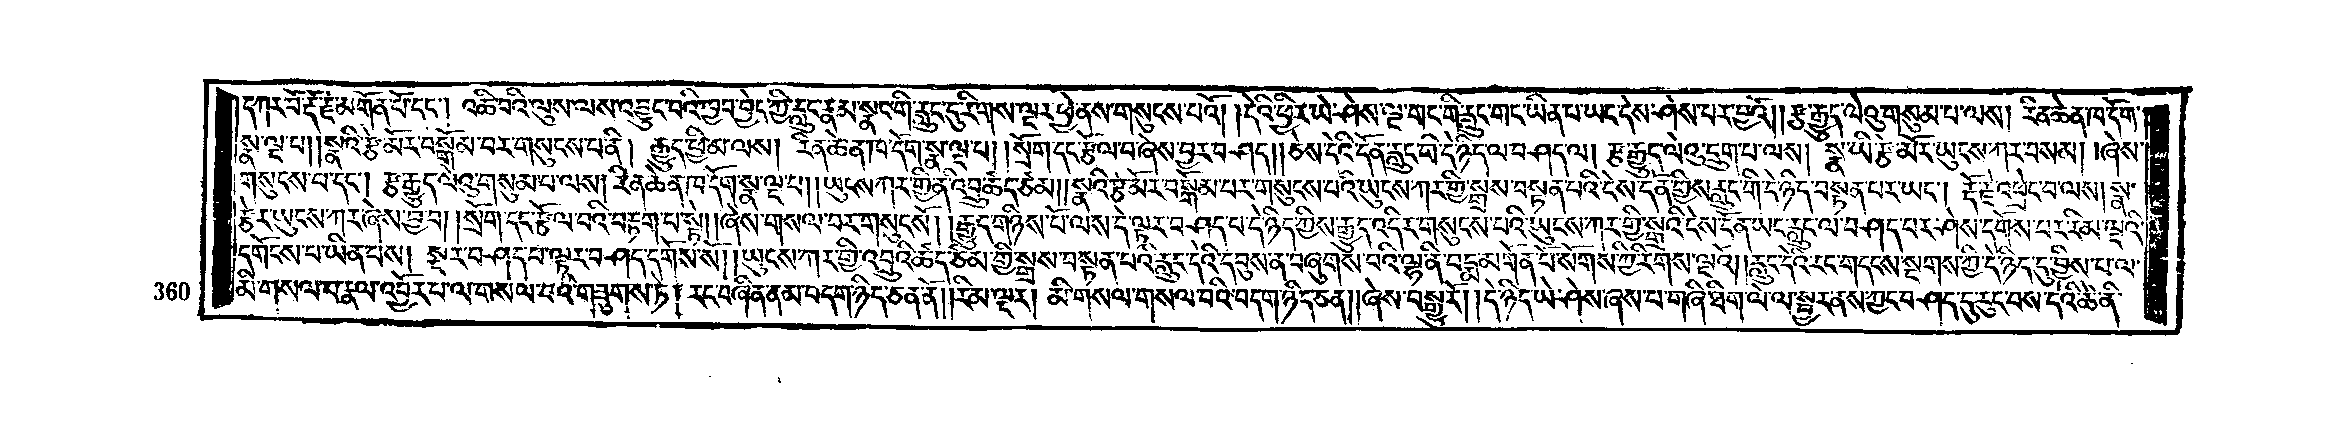དཀར་པོ་རྡོ་རྗེ་མགོན་པོ་དང་། འཆི་བའི་ལུས་ལས་འབྱུང་བའི་ཁྱབ་བྱེད་ཀྱི་རླུང་རྣམ་སྣང་གི་རླུང་དུ་རིགས་ལྔར་ཕྱེ་ནས་གསུངས་པའོ། །དེའི་ཕྱིར་ཡེ་ཤེས་ལྔ་གང་གི་རླུང་གང་ཡིན་པ་ཡང་དེས་ཤེས་པར་བྱའོ། །རྩ་རྒྱུད་ལེའུ་གསུམ་པ་ལས། རིན་ཆེན་ཁ་དོག་
སྣ་ལྔ་པ། །སྣའི་རྩེ་མོར་བསྒོམ་བར་གསུངས་པ་ནི། རྒྱུད་ཕྱི་མ་ལས། རིན་ཆེན་ཁ་དོག་སྣ་ལྔ་པ། །སྲོག་དང་རྩོལ་བ་ཞེས་བྱར་བཤད། །ཅེས་དེའི་དོན་རླུང་གི་དེ་ཉིད་ལ་བཤད་ལ། རྩ་རྒྱུད་ལེའུ་དྲུག་པ་ལས། སྣ་ཡི་རྩེ་མོར་ཡུངས་ཀར་བསམ། །ཞེས་
གསུངས་པ་དང་། རྩ་རྒྱུད་ལེའུ་གསུམ་པ་ལས། རིན་ཆེན་ཁ་དོག་སྣ་ལྔ་པ། །ཡུངས་ཀར་གྱི་ནི་འབྲུ་ཚད་ཙམ། །སྣའི་རྩེ་མོར་བསྒོམ་པར་གསུངས་པའི་ཡུངས་ཀར་གྱི་སྒྲས་བསྟན་པའི་ངེས་དོན་གྱིས་རླུང་གི་དེ་ཉིད་བསྟན་པར་ཡང་། རྡོ་རྗེ་འཕྲེང་བ་ལས། སྣ་
རྩེར་ཡུངས་ཀར་ཞེས་བྱ་བ། །སྲོག་དང་རྩོལ་བའི་བརྟག་པ་སྟེ། །ཞེས་གསལ་བར་གསུངས་སོ། །རྒྱུད་གཉིས་པོ་ལས་དེ་ལྟར་བཤད་པ་དེ་ཉིད་ཀྱིས་རྒྱུད་འདིར་གསུངས་པའི་ཡུངས་ཀར་གྱི་སྒྲའི་ངེས་དོན་ཡང་རླུང་ལ་བཤད་པར་ཤེས་དགོས་པར་རིམ་ལྔའི་
དགོངས་པ་ཡིན་པས། སྔར་བཤད་པ་ལྟར་བཤད་དགོས་སོ། །ཡུངས་ཀར་གྱི་འབྲུའི་ཚད་ཙམ་གྱི་སྒྲས་བསྟན་པའི་རླུང་དེའི་དབུས་ན་བཞུགས་པའི་ལྷ་ནི་པདམ་མགོན་པོ་སོགས་ཀྱི་རིགས་ལྔའོ། །རླུང་དེའི་རང་གདངས་སྔགས་ཀྱི་དེ་ཉིད་དུ་བྱིས་པ་ལ་
མི་གསལ་བ་རྣལ་འབྱོར་པ་ལ་གསལ་བའི་གཟུགས་ཏེ། རང་བཞིན་ནམ་བདག་ཉིད་ཅན་ནོ། །རིམ་ལྔར། མི་གསལ་གསལ་བའི་བདག་ཉིད་ཅན། །ཞེས་བསྒྱུར་རོ། །དེ་ཉིད་ཡེ་ཤེས་ཞས་པ་གཞི་ཐིག་ལེ་ལ་སྦྱར་ནས་ཀྱང་བཤད་དུ་རུང་བས་དེའི་ཚེ་ནི་